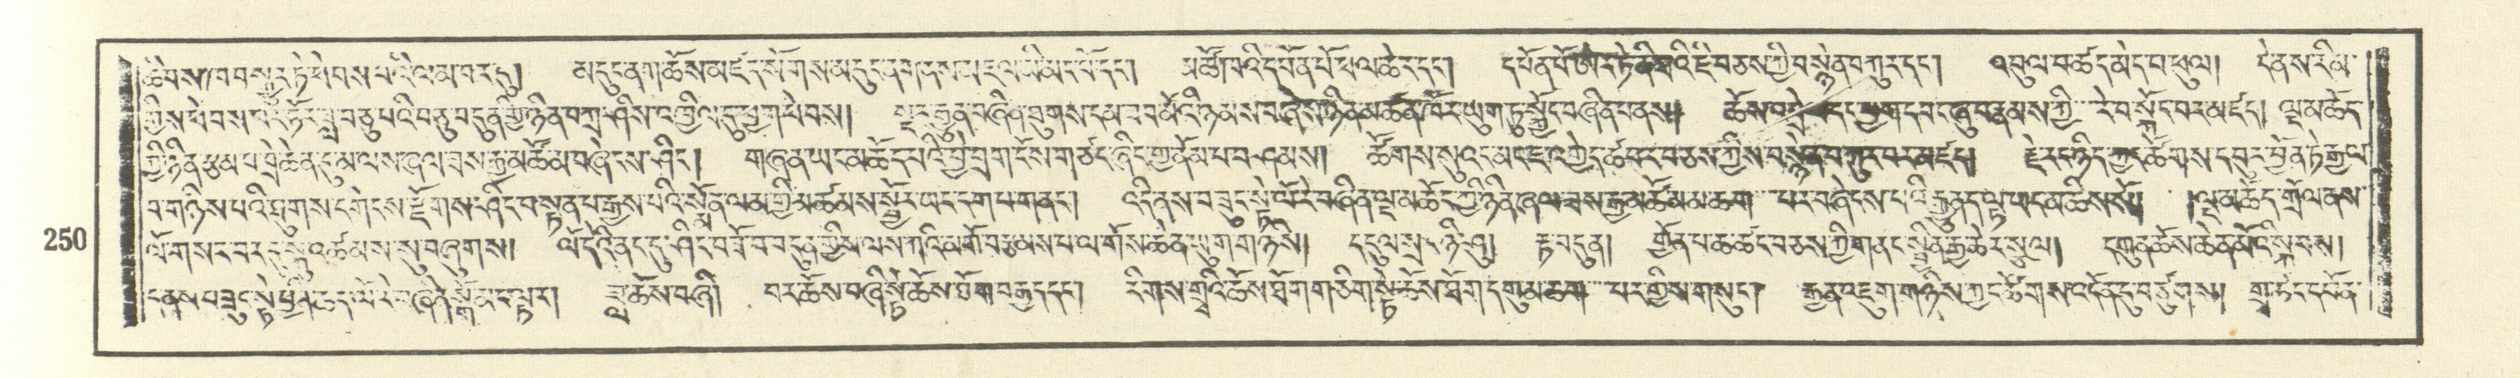ཆིབས་ཁ་བསྒྱུར་ཏེ་ཕེབས་པའི་ལམ་བར་དུ། མདུང་ནག་ཆོས་མཛད་སོགས་མདུང་ནག་ནས་མཇལ་མི་མང་པོ་དང་། མཚོ་ཁའི་དཔོན་པོ་ཕལ་ཆེར་དང་། དཔོན་པོ་ཨེར་ཏེ་ནི་ཐའི་ཇི་བཅས་ཀྱི་བསྙེན་བཀུར་དང་། འབུལ་བ་ཚད་མེད་པ་ཕུལ། དེ་ནས་རིམ་
གྱིས་ཕེབས་པར་ཧོར་ཟླ་བཅུ་པའི་བཅུ་བདུན་གྱི་ཉིན་བཀྲ་ཤིས་འཁྱིལ་དུ་ཕྱག་ཕེབས། སྔར་རྒྱུན་བཞིན་ཐུགས་དམ་ཟབ་མོའི་ཉམས་བཞེས་ཉིན་མཚན་ཁོར་ཡུག་ཏུ་སྐྱོང་བཞིན་པ་ནས། ཆོས་འབྲེལ་དང་ཕྱག་དབང་ཞུ་བ་རྣམས་ཀྱི་རེ་བསྐོད་པར་མཛད། ལྔ་མཆོད་
ཀྱི་ཉིན་རྩམ་པ་བྲེ་ཆེན་དུ་མ་ལས་ཞལ་ཟས་རྒྱ་མཚོ་མ་བཞེངས་ཤིང་། གཞན་ཡང་མཆོད་པའི་བྱེ་བྲག་ངོས་གཙང་ཞིང་གྱ་ནོམ་པ་བཤམས། ཚོགས་སུའང་མང་ཇ་འགྱེད་ཚབ་ར་བཅས་ཀྱིས་བསྙེན་བཀུར་བར་མཛད། རྗེ་རང་ཉིད་ཀྱང་ཚོགས་དབུར་བྱོན་ཏེ་རྒྱལ་
བ་གཉིས་པའི་ཐུགས་དགེངས་རྫོགས་ཤིང་བསྟན་པ་རྒྱས་པའི་སྨོན་ལམ་གྱི་མཚམས་སྦྱོར་ཡང་དག་པ་གནང་། འདི་ནས་བཟུང་སྟེ་ལོ་རེ་བཞིན་ལྔ་མཆོད་ཀྱི་ཉིན་ཞལ་ཟས་རྒྱ་མཚོ་མ་མ་ཆག་པར་བཞེངས་པའི་རྒྱུན་ད་ལྟ་ཡང་མཆིས་སོ། །ལྔ་མཆོད་གྲོལ་ནས་
ལོ་གསར་བར་དུ་སྐུ་འཚམས་སུ་བཞུགས། ལོ་དེའི་ནང་དུ་ཤིང་བཟོ་བ་བདུན་གྱིས་ལས་ཀའི་མགོ་བརྩམས་པ་ལ་གོས་ཆེན་ཡུ་ག་གཉིས། དངུལ་སྲང་ཉི་ཤུ། རྟ་བདུན། གྱོན་པ་ཆ་ཚང་བཅས་ཀྱི་གནང་སྦྱིན་རྒྱ་ཆེར་སྩལ། དགུན་ཆོས་ཆེན་མོའི་སྐབས།
དེ་ནས་བཟུང་སྟེ་ཕྱིན་ཆད་ལོ་རེ་བཞིན་སྒོ་མང་ལྟར། ཟླ་ཆོས་བཞི། བར་ཆོས་བཞི་སྟེ་ཆོས་ཐོག་བརྒྱད་དང་། རིགས་གྲྭའི་ཆོས་ཐོག་གཅིག་སྟེ་ཆོས་ཐོག་དགུ་མ་ཆག་པར་གྱིས་གསུང་། རྒྱན་འཇུག་གཉིས་ཀྱང་ཚོགས་འདོན་དུ་བཙུགས། གྲྭ་ཚང་དཔོན་